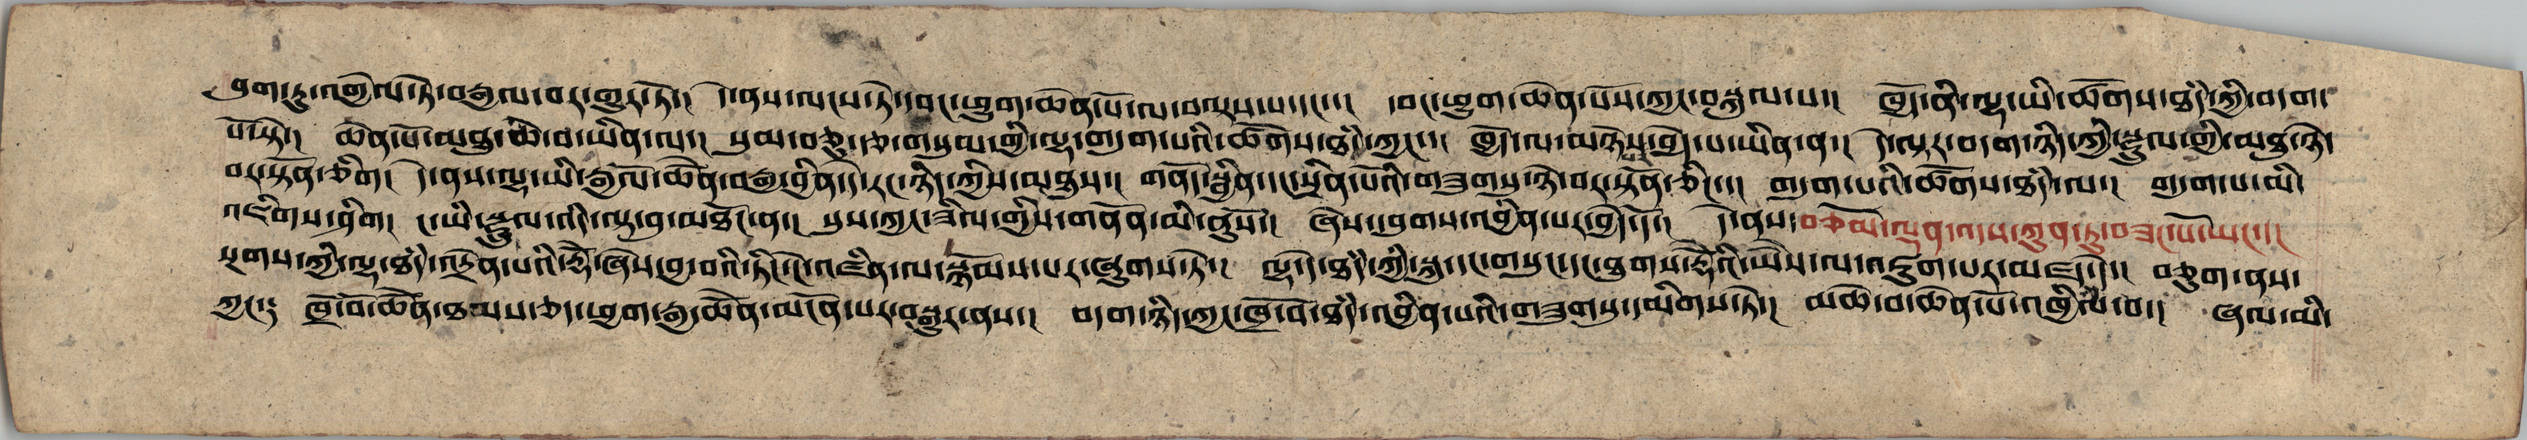བུག་ཏུ་འགྱེལ་ཏེ་བརྒྱལ་བར་གྱུར་ཏོ་། དེ་ནས་ལངས་ཏེ་དབང་ཕྱུག་ཆེན་པོ་ལ་བལྟས་པ་དང་་། དབང་ཕྱུག་ཆེན་པོས་ཀྱང་བསྐུལ་པ་། ཁྱོད་ནི་ལྷ་ཡི་ཚོགས་ཐཾད་ཀྱི་བདག་
པོ་སྟེ་། ཆེན་པོ་མཐུ་ཆེ་བ་ཡིན་ལ་། སུམ་བཅུ་རྩ་གསུམ་གྱི་ལྷ་གདུག་པའི་ཚོགས་ཐདཾ་ཀྱང་་། ཁྱེད་ལ་མཉེས་པར་བྱེད་པ་ཡིན་ན་། དེ་ལྟར་བདག་ཉིད་ཀྱི་སྫྲུལ་གྱི་མཐུ་ཉེ་
བར་སྟོན་ཅིག། དེ་ནས་ལྷ་ཡི་རྒྱལོ་ཆེནོ་བརྒྱ་བྱིན་དེ་རང་ཉིད་ཀྱིས་མཐུས་། གནོད་སྦྱིན་དང་སྲིན་པོའི་གཟུགསུ་ཉེ་བར་སྟོན་། གདུག་པའི་ཚོགས་ཐཾད་ལ་། གདུག་པ་མི་
འཇིགས་ཤིག། ང་ཡི་སྫྲུལ་འདི་ལྟ་བུ་མཐོང་ན་། སུས་ཀྱང་ཟིལ་གྱིས་གནོན་མི་ནུསོ་། ཞེས་དབུགས་འབྱིན་པར་བྱེད་དོ་། དེ་ནས་བཅོམ་ལྡན་འདས་ཀུན་ཏུ་བཟང་པོ་ཡང་་།
སྔགས་ཀྱི་ལྷ་ཐདཾ་འདྲེན་པའི་རྡོེ་ཞེས་བྱ་བའི་ཏིང་ངེ་འཛིན་ལ་སྙོམས་པར་ཞུགས་ཏེ་། ལྷ་དེ་ཐདཾ་ཀྱི་སྐུ་དང་གསུང་དང་ཐུགས་རྡོེའི་ཡཻས་ལ་འཇུག་པར་མཛད་དེ་། བཅུག་ནས་
ཀྱང༑ ཁྲོ་བོ་ཆེནོ་ཐམས་ཅད་ཕྱག་རྒྱ་ཆེནོ་མངོན་པར་བསྒྱུར་ནས་། བདག་ཉིད་ཀྱང་ཁྲོ་བོ་ཐདཾ་འབྱིན་པའི་གཟུགསུ་དམིགས་ཏེ་། མཆེ་བ་ཆེན་པོ་འཁྱིལ་བ་། ཞལ་མི་